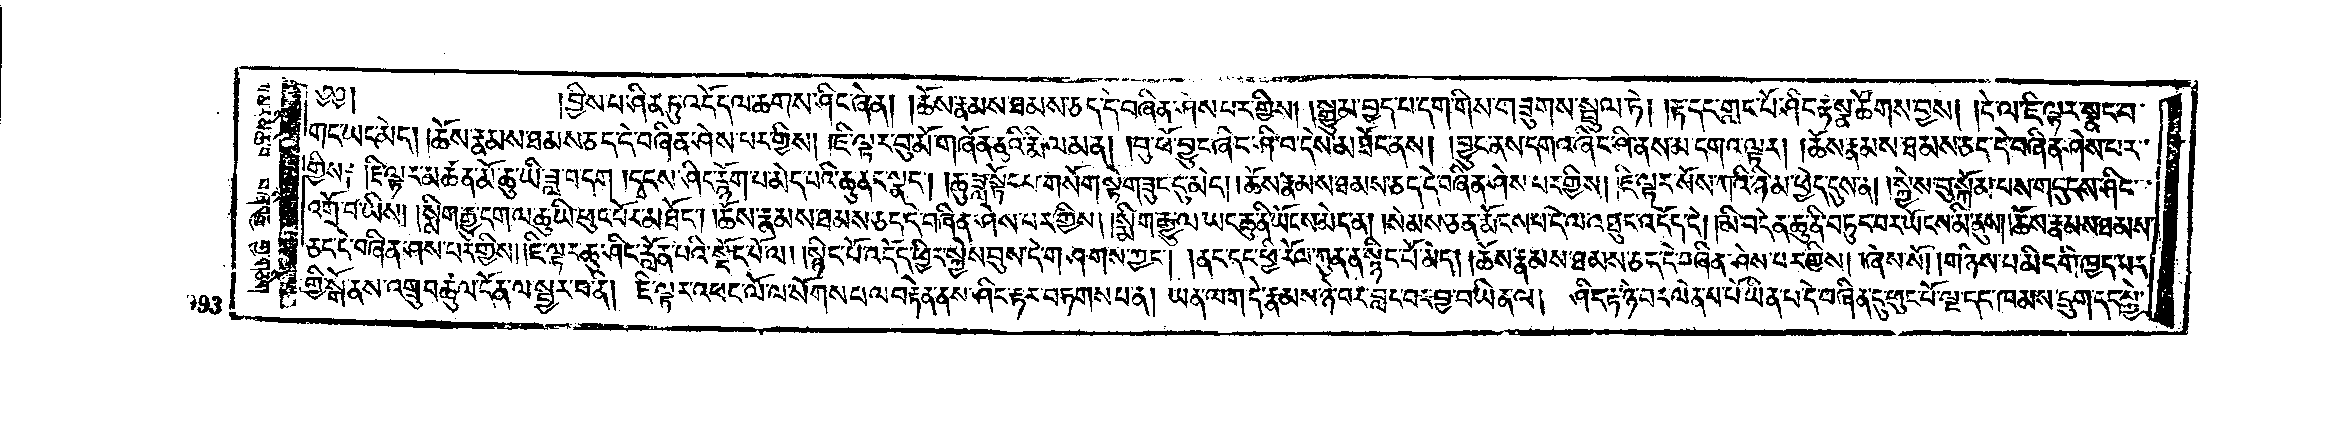༄༅། །བྱིས་པ་ཤིན་ཏུ་འདོད་ལ་ཆགས་ཤིང་ཞེན། །ཆོས་རྣམས་ཐམས་ཅད་དེ་བཞིན་ཤེས་པར་གྱིས། །སྒྱུ་མ་བྱེད་པ་དག་གིས་གཟུགས་སྤྲུལ་ཏེ། །རྟ་དང་གླང་པོ་ཤིང་རྟ་སྣ་ཚོགས་བྱས། །དེ་ལ་ཇི་ལྟར་སྣང་བ་
གང་ཡང་མེད། །ཆོས་རྣམས་ཐམས་ཅད་དེ་བཞིན་ཤེས་པར་གྱིས། །ཇི་ལྟར་བུ་མོ་གཞོན་ནུའི་རྨི་ལམ་ན། །བུ་ཕོ་བྱུང་ཞིང་ཤི་བ་དེས་མཐོང་ནས། །བྱུང་ནས་དགའ་ཞིང་ཤི་ནས་མི་དགའ་ལྟར། །ཆོས་རྣམས་ཐམས་ཅད་དེ་བཞིན་ཤེས་པར་
གྱིས༑ ༑ཇི་ལྟར་མཚན་མོ་ཆུ་ཡི་ཟླ་བ་དག །དྭངས་ཤིང་རྙོག་པ་མེད་པའི་ཆུ་ནང་སྣང་། །ཆུ་ཟླ་སྟོང་པ་གསོག་སྟེ་གཟུང་དུ་མེད། །ཆོས་རྣམས་ཐམས་ཅད་དེ་བཞིན་ཤེས་པར་གྱིས། །ཇི་ལྟར་སོས་ཀའི་ཉི་མ་ཕྱེད་དུས་ན། །སྐྱེས་བུ་སྐོམ་པས་གདུངས་ཤིང་
འགྲོ་བ་ཡིས། །སྨིག་རྒྱུ་དག་ལ་ཆུ་ཡི་ཕུང་པོར་མཐོང་། །ཆོས་རྣམས་ཐམས་ཅད་དེ་བཞིན་ཤེས་པར་གྱིས། །སྨིག་རྒྱུ་ལ་ཡང་ཆུ་ནི་ཡོངས་མེད་ན། །སེམས་ཅན་རྨོངས་པ་དེ་ལ་འཐུང་འདོད་དེ། །མི་བདེན་ཆུ་ནི་བཏུང་བར་ཡོངས་མི་ནུས། །ཆོས་རྣམས་ཐམས་
ཅད་དེ་བཞིན་ཤེས་པར་གྱིས། །ཇི་ལྟར་ཆུ་ཤིང་རློན་པའི་སྡོང་པོ་ལ། །སྙིང་པོ་འདོད་ཕྱིར་སྐྱེས་བུས་དེ་གཤགས་ཀྱང་། །ནང་དང་ཕྱི་རོལ་ཀུན་ན་སྙིང་པོ་མེད། །ཆོས་རྣམས་ཐམས་ཅད་དེ་བཞིན་ཤེས་པར་གྱིས། །ཞེས་སོ། །གཉིས་པ་མིང་གི་ཁྱད་པར་
གྱི་སྒོ་ནས་འགྲུབ་ཚུལ་དོན་ལ་སྦྱར་བ་ནི། ཇི་ལྟར་འཕང་ལོ་ལ་སོགས་པ་ལ་བརྟེན་ནས་ཤིང་རྟར་བཏགས་པ་ན། ཡན་ལག་དེ་རྣམས་ཉེ་བར་བླང་བར་བྱ་བ་ཡིན་ལ། ཤིང་རྟ་ཉེ་བར་ལེན་པ་པོ་ཡིན་པ་དེ་བཞིན་དུ་ཕུང་པོ་ལྔ་དང་ཁམས་དྲུག་དང་སྐྱེ་